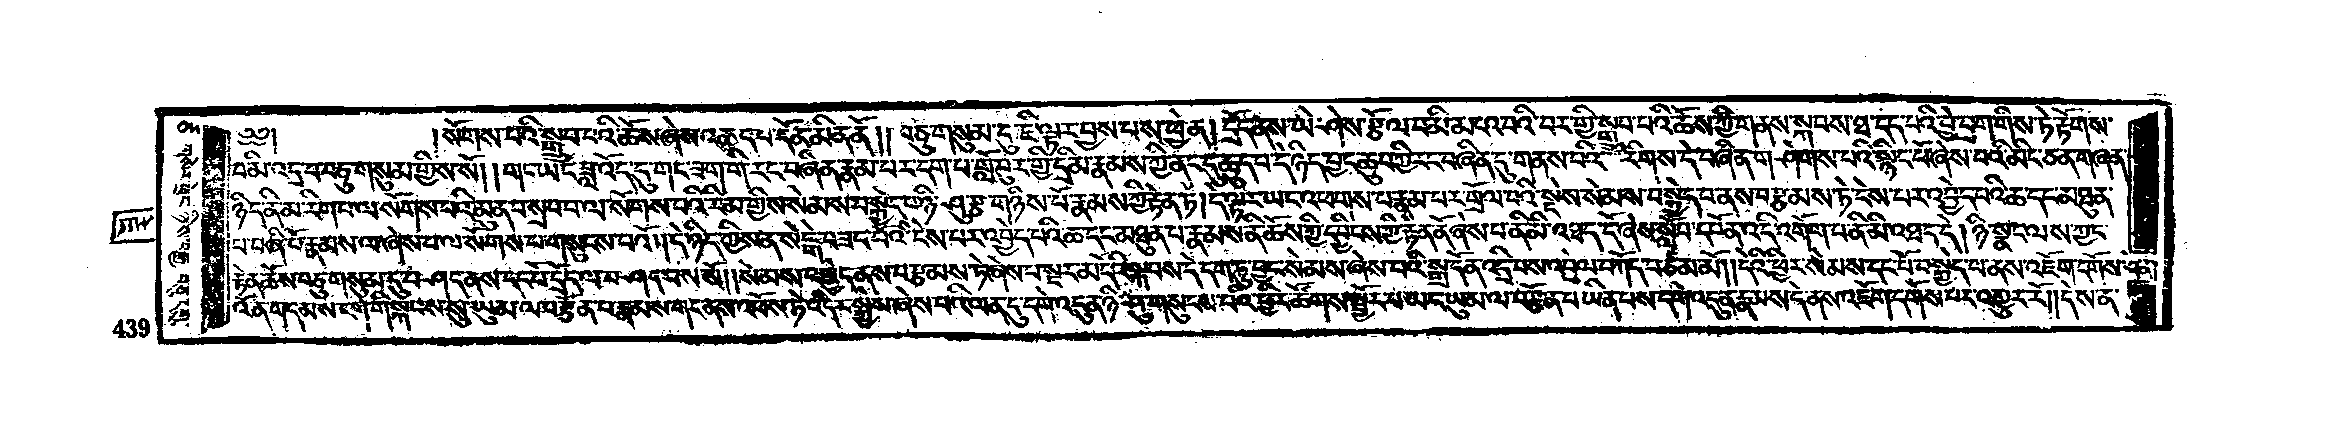༄༅། །སོགས་པའི་སྒྲུབ་པའི་ཆོས་ཞེས་འཆད་པ་དོན་མིན་ནོ། །བཅུ་གསུམ་དུ་ཇི་ལྟར་བྱས་པས་ཕྱེ་ན། དྲོད་ནས་ཡེ་ཤེས་རྩོལ་བ་མི་མངའ་བའི་བར་གྱི་སྒྲུབ་པའི་ཆོས་ཀྱི་གནས་སྐབས་ཐ་དད་པའི་བྱེ་བྲག་གིས་ཏེ་རྟོགས་
པ་མི་འདྲ་བ་བཅུ་གསུམ་གྱིས་སོ། །གང་ཡང་ཟླ་འོད་དུ་གང་ཟག་གི་རང་བཞིན་རྣམ་པར་དག་པ་གློ་བུར་གྱི་དྲི་མ་རྣམས་ཀྱི་ནང་དུ་ཆུད་པ་དེ་ཉིད་བྱང་ཆུབ་ཀྱི་རང་བཞིན་དུ་གནས་པའི་རིགས་དེ་བཞིན་གཤེགས་པའི་སྙིང་པོ་ཞེས་པའི་མིང་ཅན་གཞན་
ཉིད་ནི་མ་རིག་པ་ལ་སོགས་པའི་མུན་པ་སྲབ་པ་ལ་སོགས་པའི་རིམ་གྱིས་སེམས་བསྐྱེད་པ་ཉི་ཤུ་རྩ་གཉིས་པོ་རྣམས་ཀྱི་རྟེན་ཏེ། དེ་ལྟར་ཡང་འཕགས་པ་རྣམ་པར་གྲོལ་བའི་སྡེས་སེམས་བསྐྱེད་པ་ནས་བརྩམས་ཏེ་ངེས་པར་འབྱེད་པའི་ཆ་དང་མཐུན་
པ་བཞི་པོ་རྣམས་ལ་ཞེས་པ་ལ་སོགས་པ་གསུངས་པའོ། །དེ་ཉིད་ཀྱིས་ན་སེངྒེ་བཟང་པོའི་ངེས་པར་འབྱེད་པའི་ཆ་དང་མཐུན་པ་རྣམས་ནི་ཆོས་ཀྱི་དབྱིངས་ཀྱི་རྟེན་ནོ་ཞེས་པ་ནི་མི་འཐད་དོ་ཞེས་སློབ་དཔོན་འདི་འགོག་པ་ནི་མི་འཐད་དེ། ཉི་སྣང་ལས་ཀྱང་
རྟེན་ཆོས་བཅུ་གསུམ་དུ་བཤད་ནས་དང་པོ་དྲོད་ལ་བཤད་པས་སོ། །སེམས་བསྐྱེད་ནས་བརྩམས་ཏེ་ཞེས་པ་སྔར་མདོའི་སྐབས་དེ་དག་ཏུ་བྱང་སེམས་ཞེས་པའི་སྒྲ་དོན་འདྲི་བས་འབྲེལ་བ་ཀོད་པ་ཙམ་མོ། །དེའི་ཕྱིར་སེམས་དང་པོ་བསྐྱེད་པ་ནས་འཇོག་དགོས་ཤེ་ན་
འོ་ན་གདམས་ངག་གི་སྐབས་སུ་ཡུམ་ལ་བརྩོན་པ་རྣམས་གང་ནས་འཕོས་ཏེ་འདིར་སྐྱེས་ཞེས་པའི་ལན་དུ་དགེ་འདུན་ཉི་ཤུ་གསུངས་པའི་ཕྱིར་ཚོགས་སྦྱོར་པ་ཡང་ཡུམ་ལ་བརྩོན་པ་ཡིན་པས་དགེ་འདུན་རྣམས་དེ་ནས་འཇོག་དགོས་པར་འགྱུར་རོ། །དེས་ན་